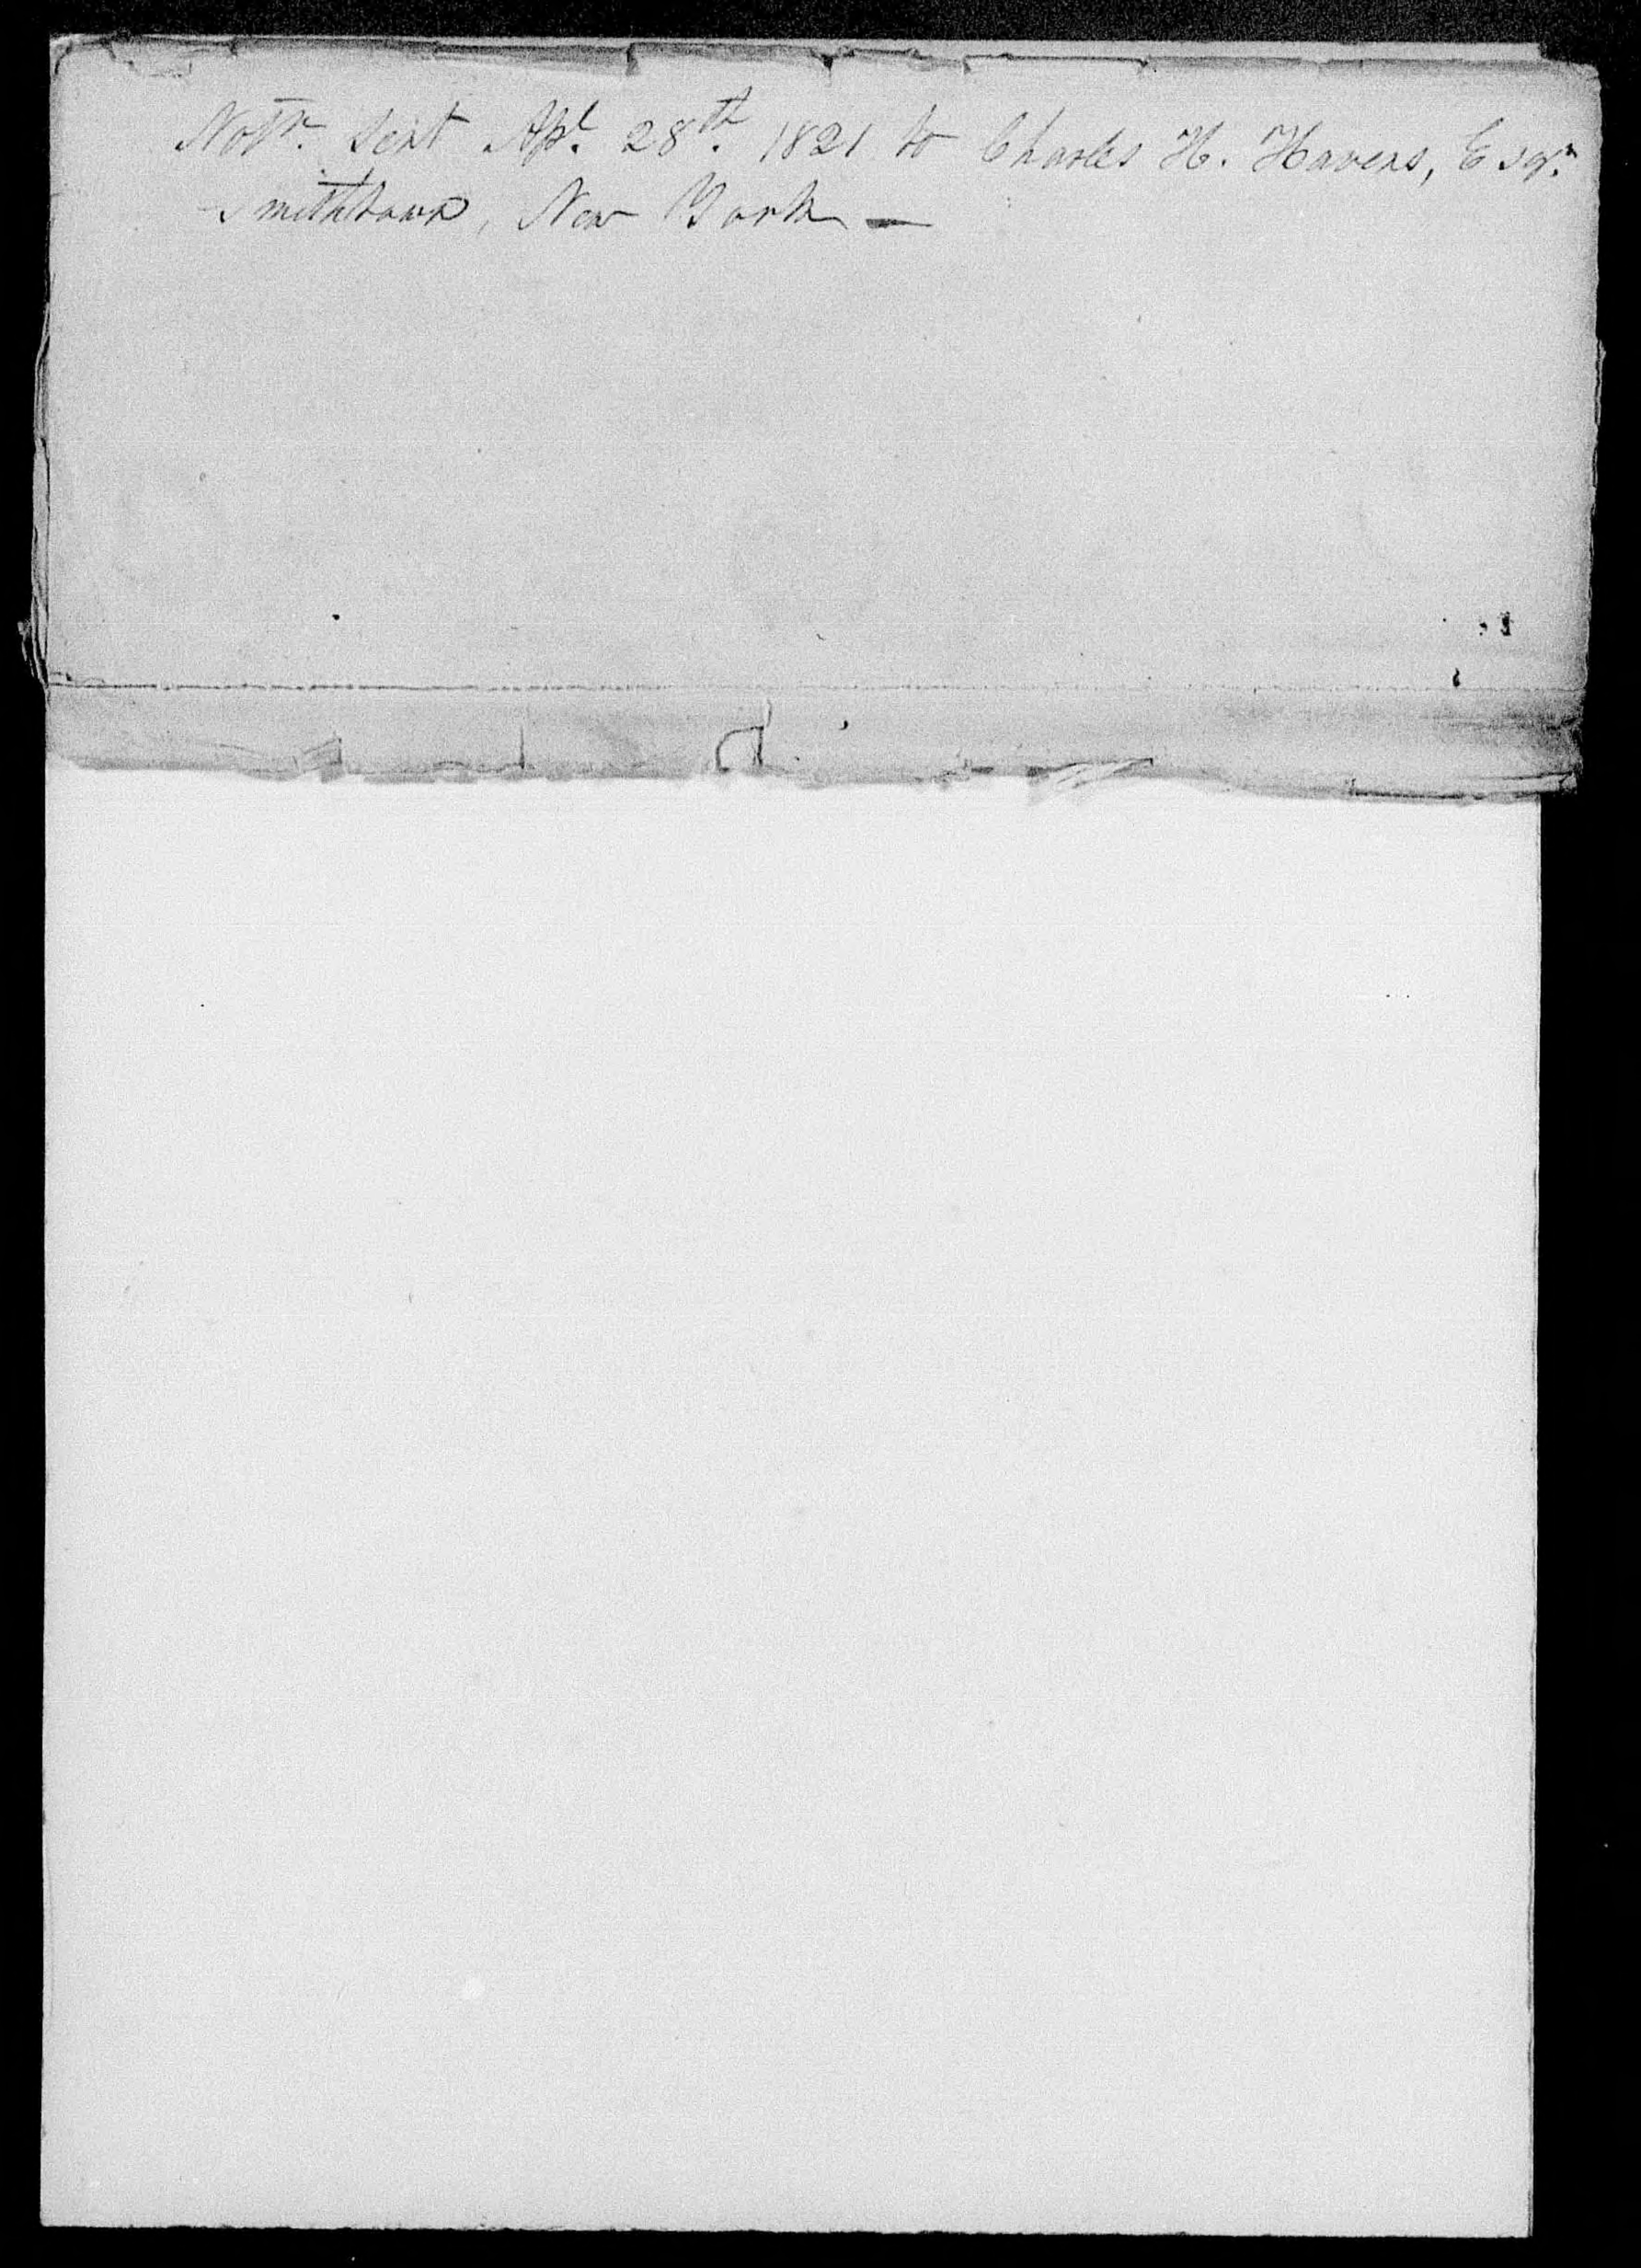Notn. sent Apl. 28th. 1821 to Charles H. Havens, Esqr.
Smithtown, New York-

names: Charles H Havens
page: 18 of 28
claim: survivor's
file: S. 12569, Joseph Cone, Conn Continental